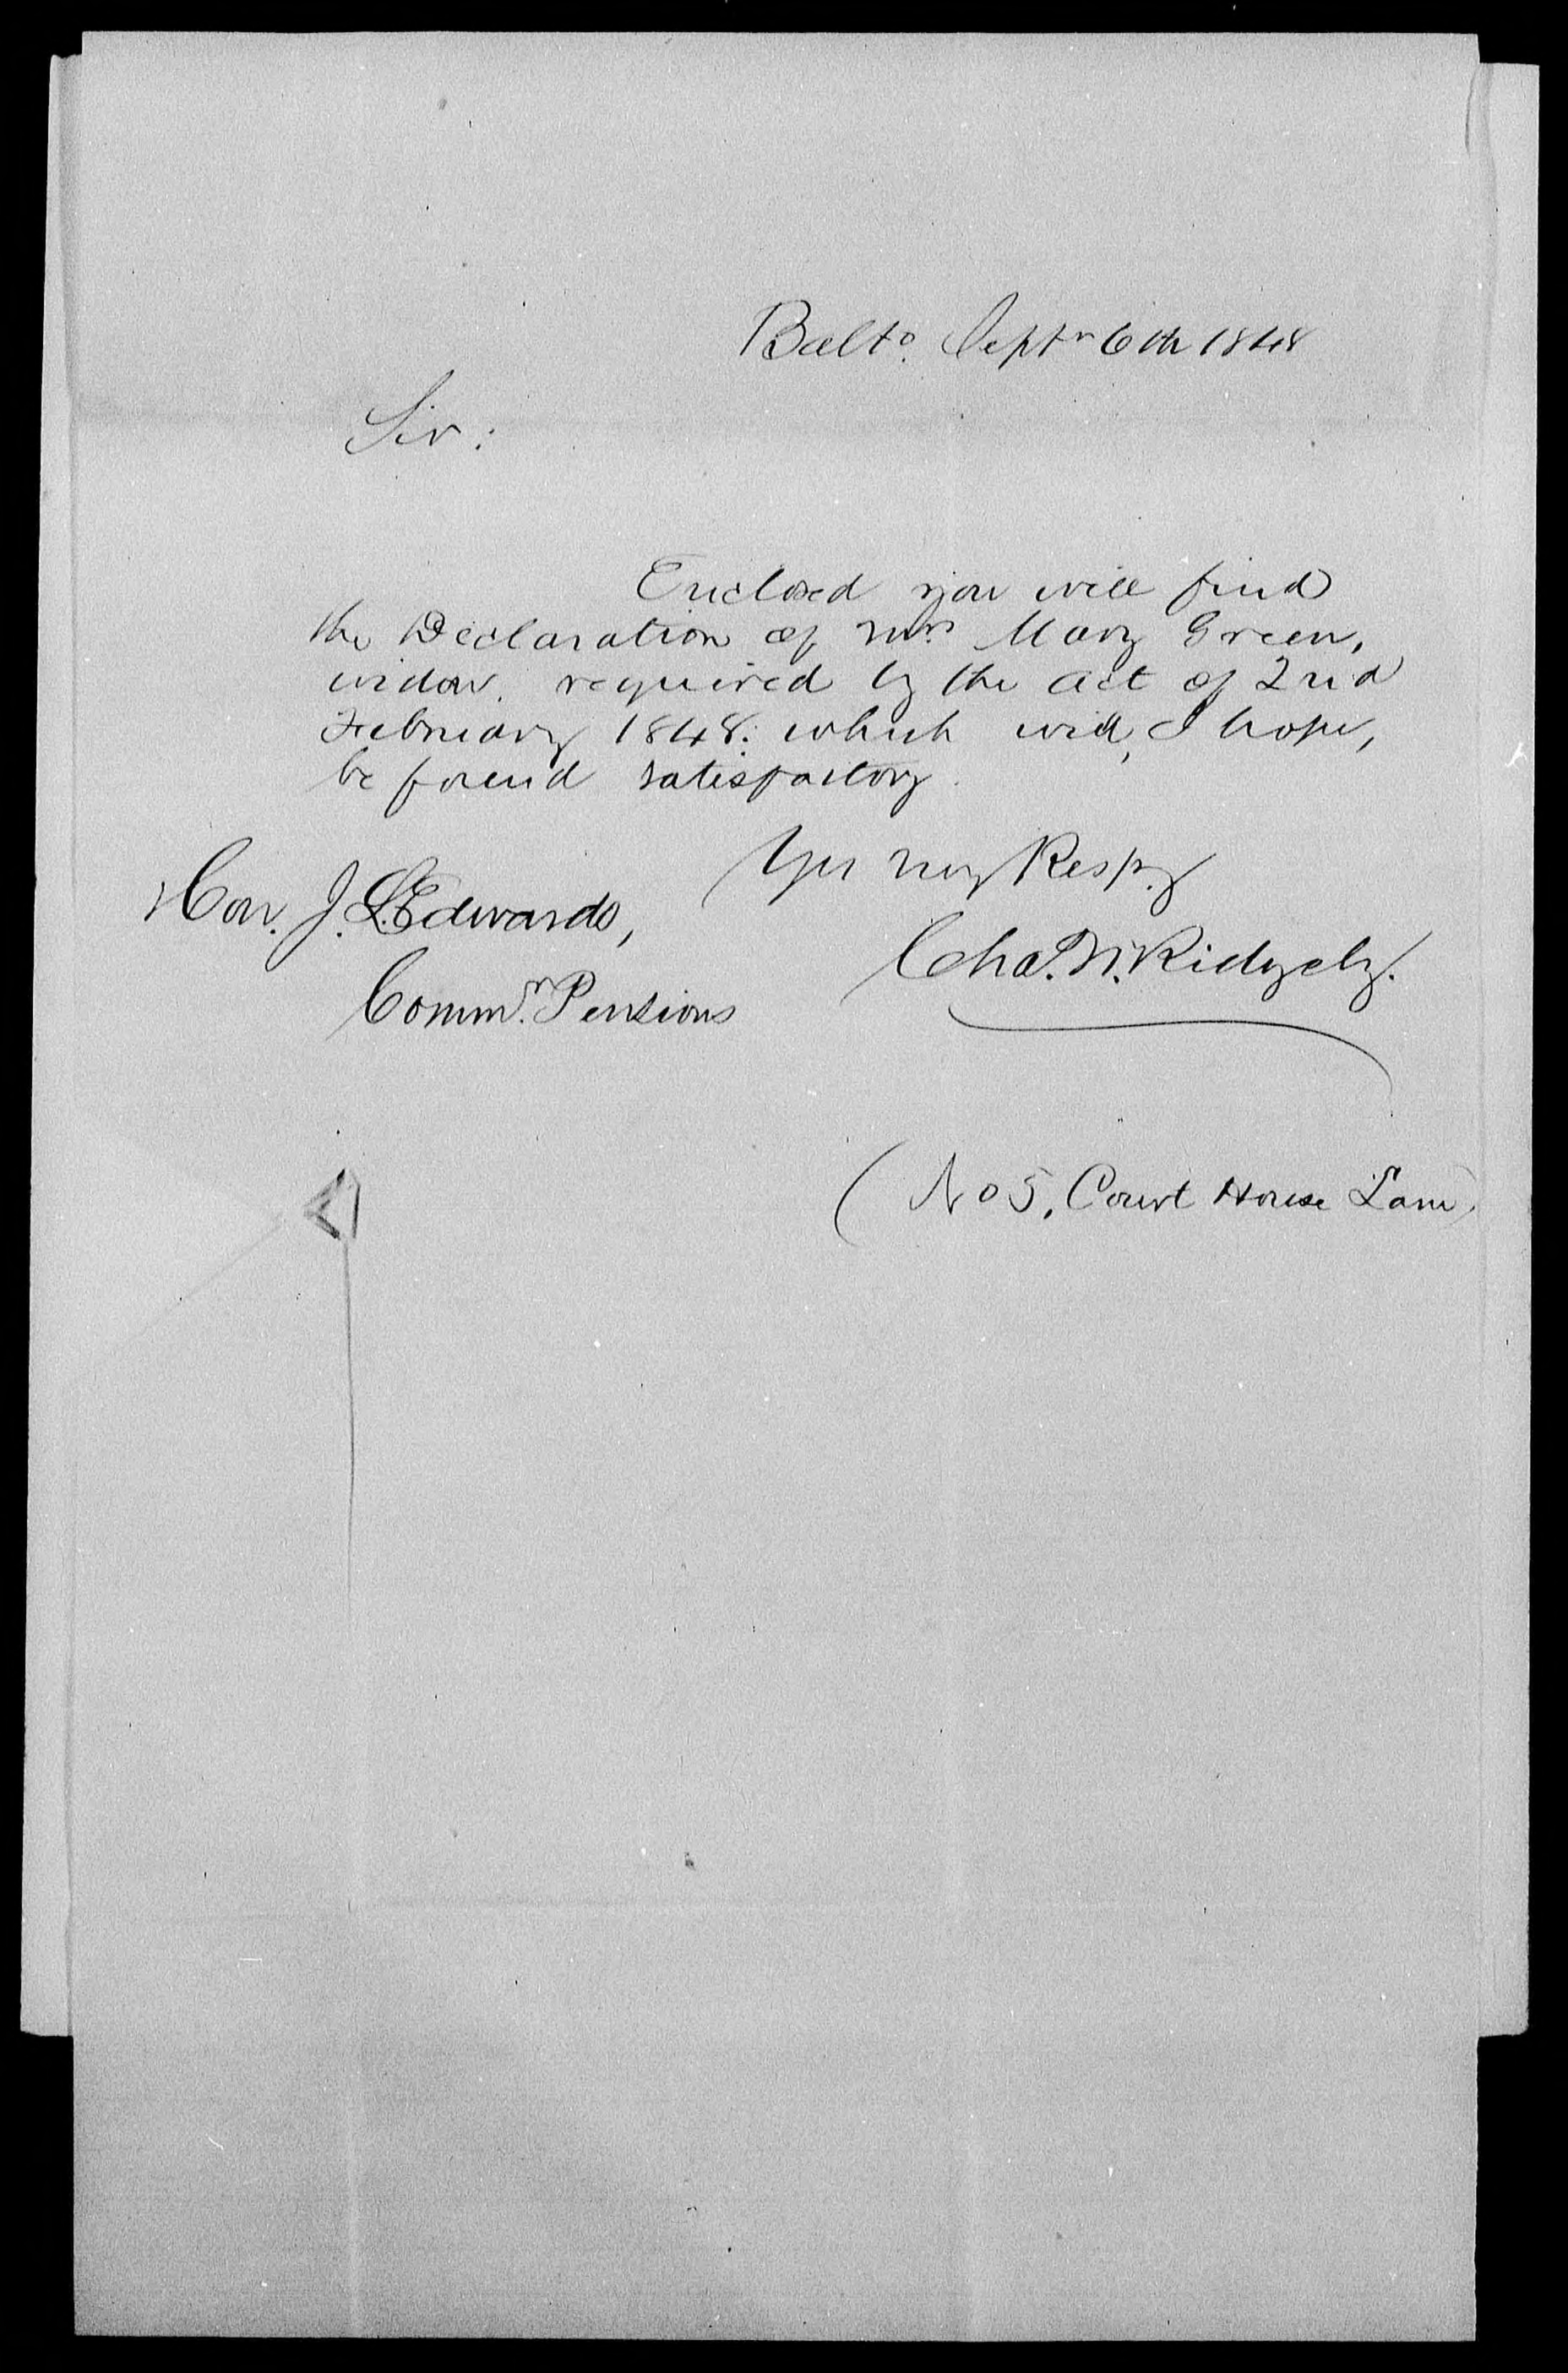Balt. Sept 6th 1848

Sir:

Enclosed you will find the Declaration of M. Mary Green, widow, required by the act of 2nd February 1848, which will, I hope, be found satisfactory.
Yr. very Resp.
Cha. W. Ridgely
Con. J.L. Edwards,
Comm. Pensions

(No 5. Court House Lane)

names: Chas W Ridgely, Mary Green, J L Edwards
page: 24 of 26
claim: widow's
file: W 25651, Robert Cross, Md.